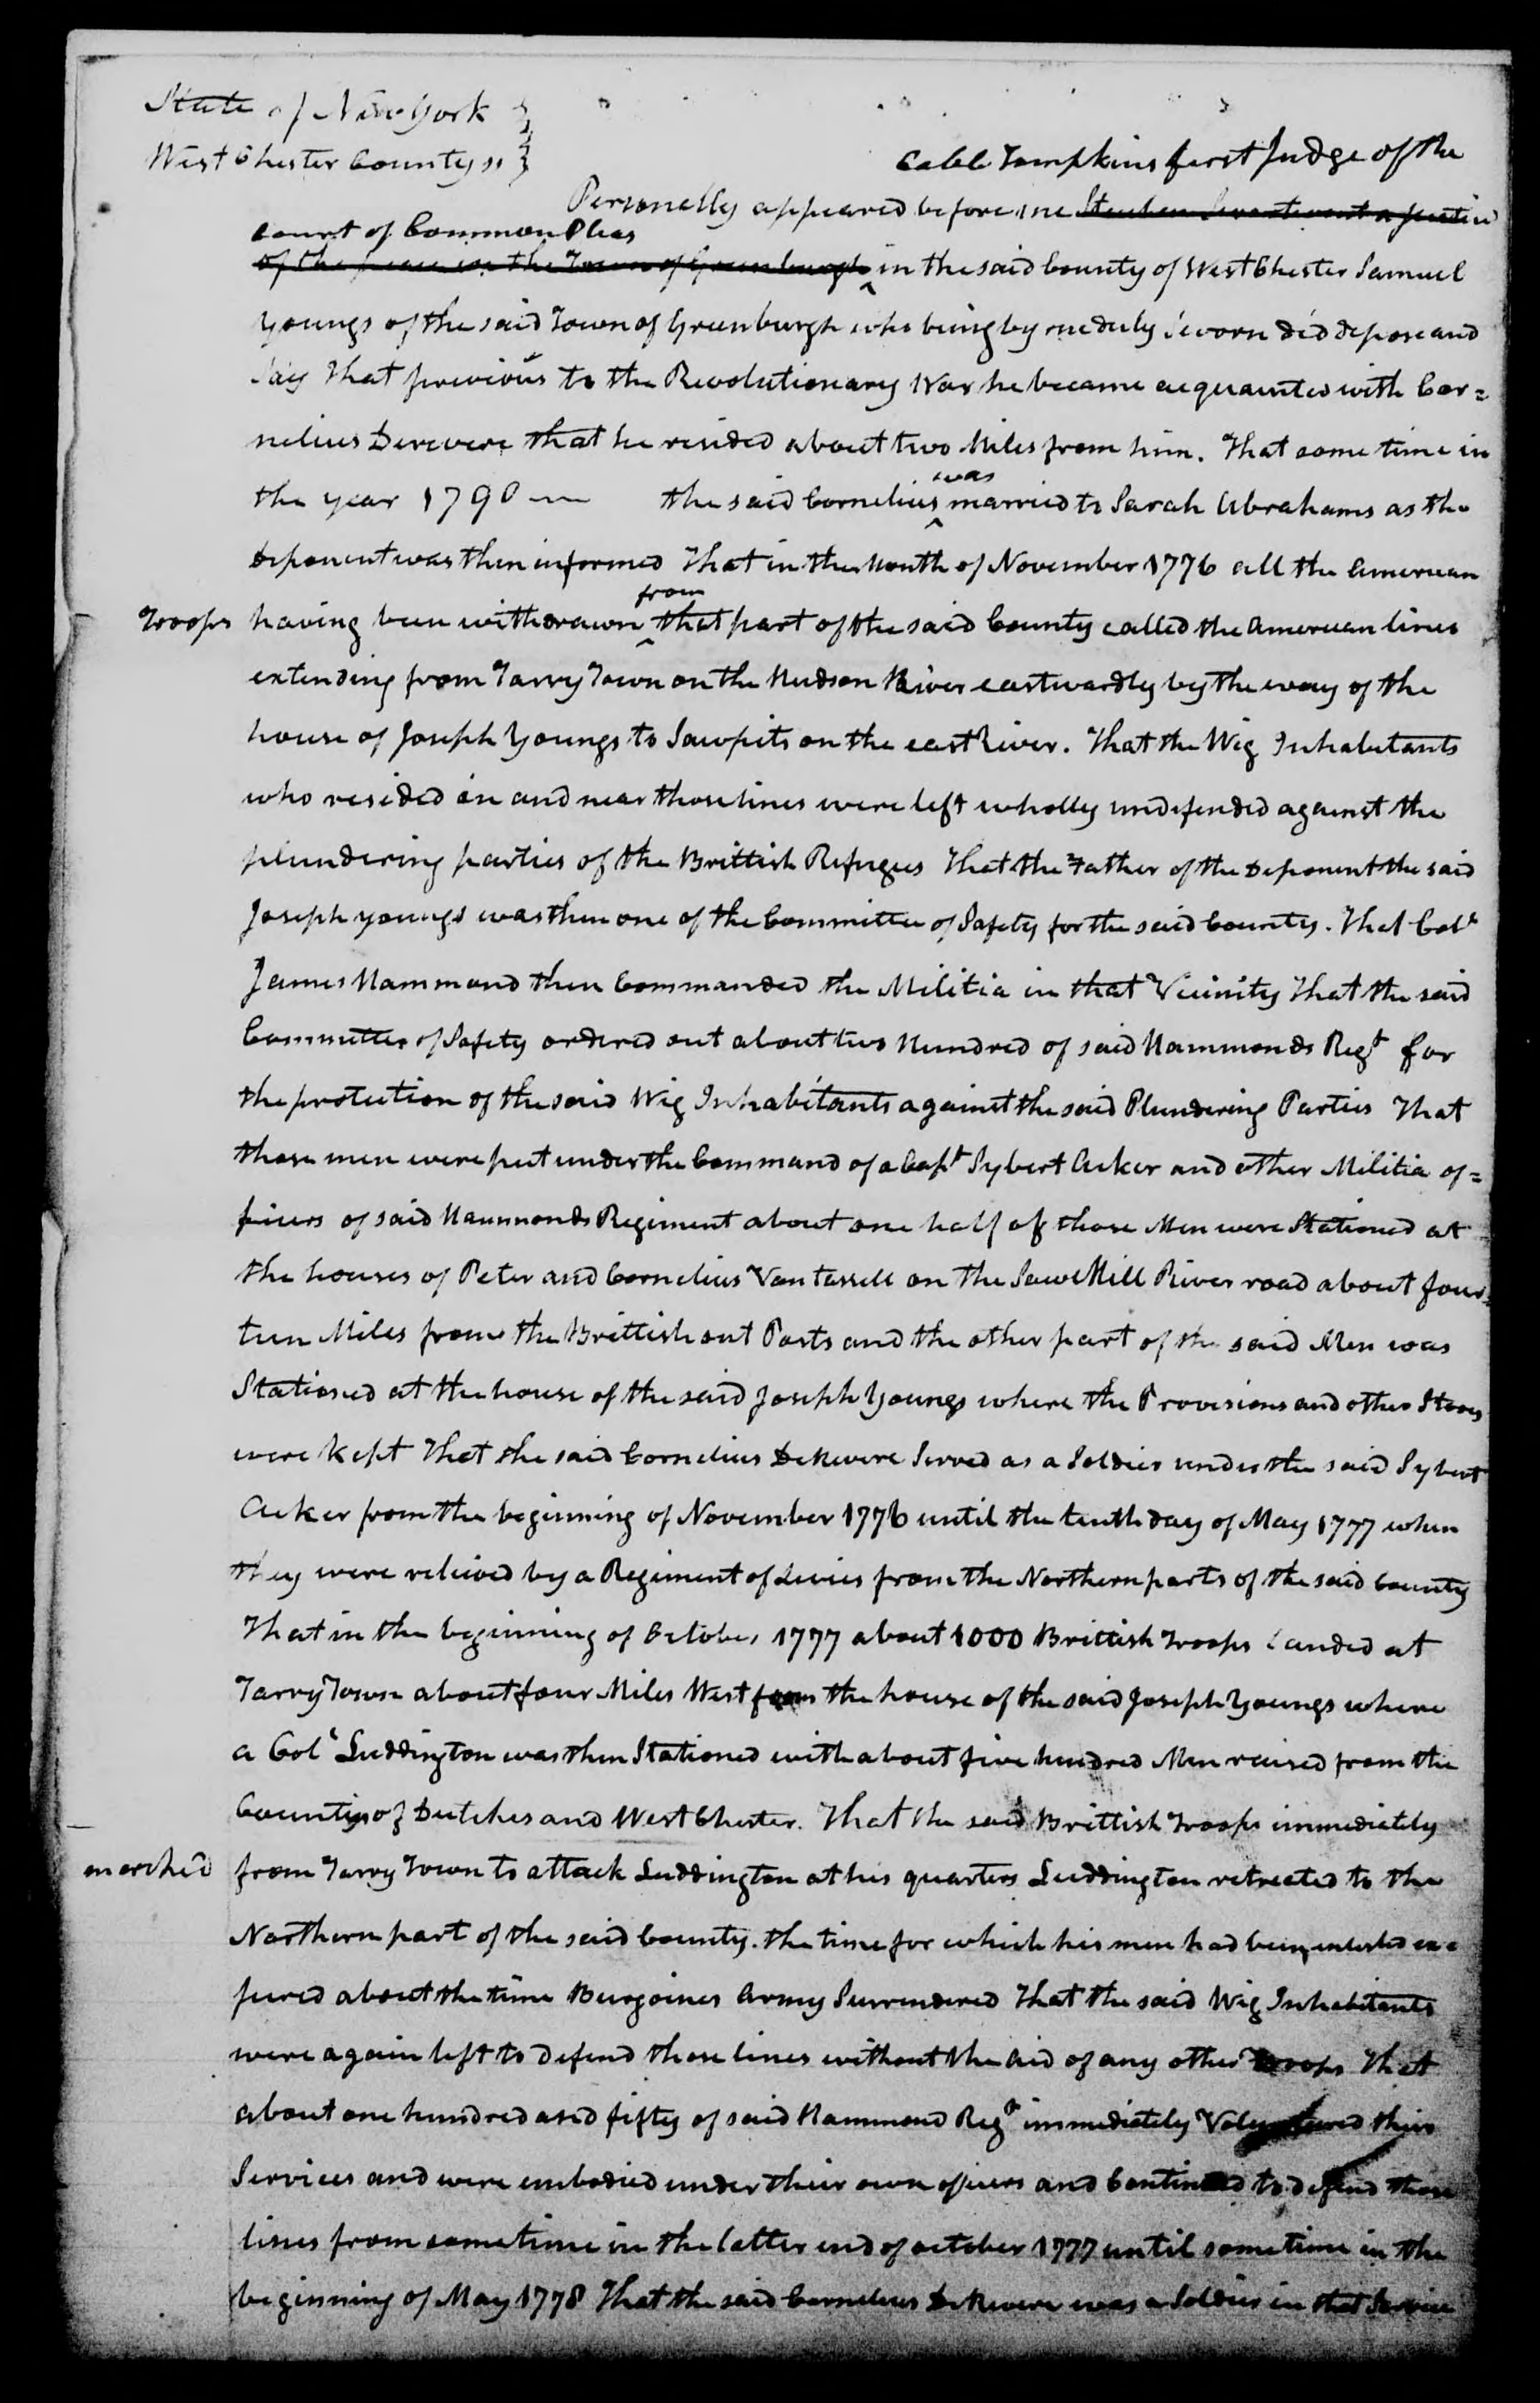State of New York
Westchester County ss}

Personally appeared before me Caleb Tompkins first Judge of the Court of Common Pleas in the said County of West Chester, Samuel Youngs of the said Town of Greenburgh who being by me duly sworn did depose and say that previous to the Revolutionary War he became acquainted with Cornelius DeRevere that he resided about two miles from him. 

That sometime in the year 1790 -- the said Cornelius was married to Sarah Abrahams as the deponent was then informed. That in the month of November 1776 all the American Troops having been withdrawn from that part of the said County called the American lines extending from Tarry Town on the Hudson River eastwardly by the way of the house of Joseph Youngs to Sawpits on the East River. 

That the Wig [Whig] Inhabitants who resided in and near those lines were left wholly undefended against the plundering parties of the British Refugees. 

That the Father of the Deponent the said Joseph Youngs was then one of the Committee of Safety for the said County. 

That Col James Hammond then Commanded the Militia in that vicinity that the said Committee of Safety ordered out about two hundred of said Hammond's Regt for the protection of the said Whig Inhabitants against the said Plundering parties. 

That those men were put under the command of a Capt Sybert Acker and other Militia officers of said Hammond's Regiment about one half of those men were stationed at the houses of Peter and Cornelius Vantassell on the Saw Mill River road about fourteen miles from the British and ports and the other part of the said Men was stationed at the house of the said Joseph Youngs where the provisions and other stores were kept that the said Cornelius DeRevere served as a soldier under the said Sybert Acker from the beginning of November 1776 until the tenth day of May 1777 when they were relieved by a Regiment of Levies from the Northern parts of the said County.

That in the beginning of October 1777 about 1,000 British Troops landed at Tarry Town about four miles West from the house of the said Joseph Youngs where a Col Luddington was then stationed with about five hundred men raised from the County of Dutchess and West Chester. 

That the said British Troops immediately marched from Tarry Town to attack Luddington at his quarters. Luddington retreated to the Northern part of the said County. The time for which his men had been [illegible] about the time Burgoyne's army surrendered. 

That the said Whig Inhabitants
were again left to defend those lines without the aid of any other troops. That about one hundred and fifty of said Hammond Regt immediately [illegible] their services and were embodied under their own officers and continued to defend those lines from sometime in the latter end of October 1777 until sometime in the beginning of May 1778. 

That the said Cornelius DeRevere was a soldier in that service.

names: Sybert Acker, Joseph Youngs, Luddington, Sarah Abrahams, Samuel Youngs, James Hammond, Joseph Youngs, Luddington, Cornelius Derevere, Cornelius De Revere, Cornelius, Peter Van Tassell, Caleb Tompkins, Joseph Youngs, Cornelius Van Tassell, Sybert Acker, Luddington, Cornelius De Revere, Joseph Youngs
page: 6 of 40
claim: widow's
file: W. 24057, Cornelius De Revere, New York